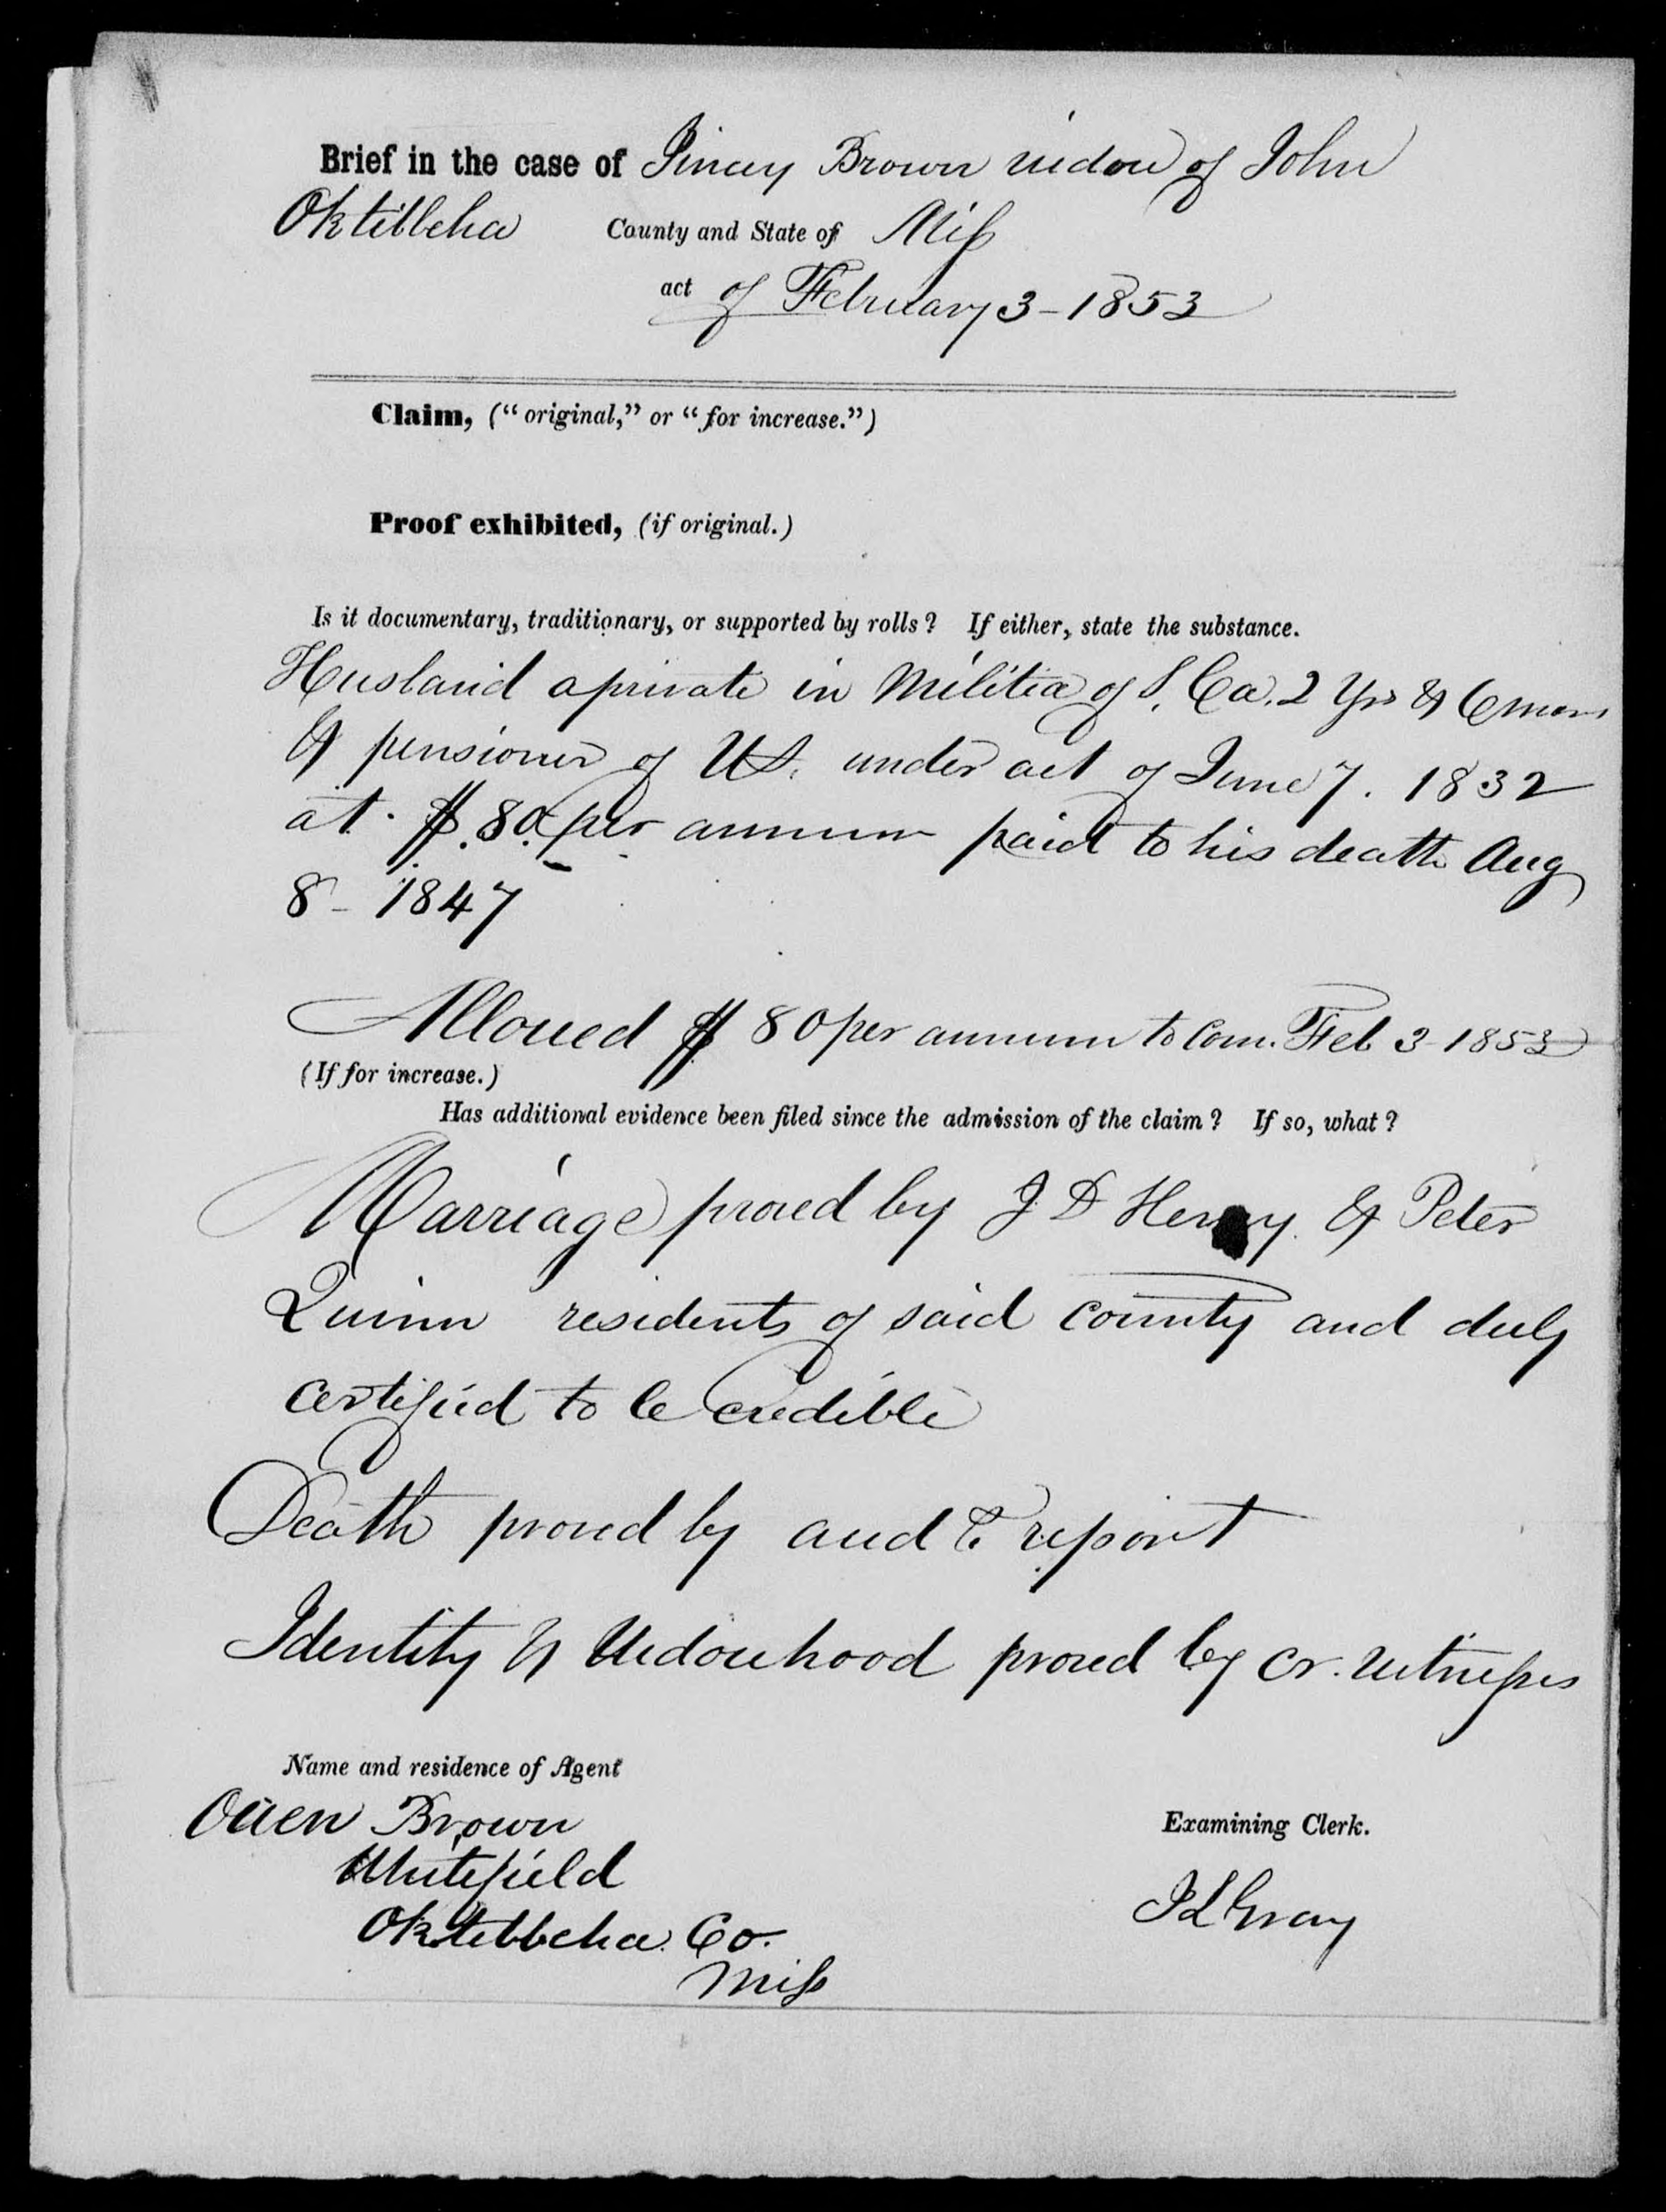Brief in the case of Jincy Brown widow of John Oktibbeha County and State of Miss act of February 3-1853
Claim (" original, or for increase.)
Proof exhibited, (if original.)
Is it documentary, traditionary, or supported by rolls? If either, state the substance.
Husband a private in Militia of S. C. 2 yrs & 6 Mos & pensioner of US. under act of June 7, 1832 at $80 per annum paid to his death Aug 8- 1847
Allowed $80 per annum to Com. Feb 3, 1853
Has additional evidence been filed since the admission of the claim? If so, what?
Marriage proved by J D Henry & Peter
Quinn residents of said County and duly certified to be credible
Death proved by auditd report
Identity & Widowhood proved by cr witnesses
Name and residence of Agent
Owen Brown Whitfield Oktibbeha Co.
Miss
Examining Clerk. JL Gray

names: Owen Brown, Jincey Brown, J D Henry, John Brown, Peter Quinn, J L Gray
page: 82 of 85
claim: widow's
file: W. 5,906, John Brown, S.C.